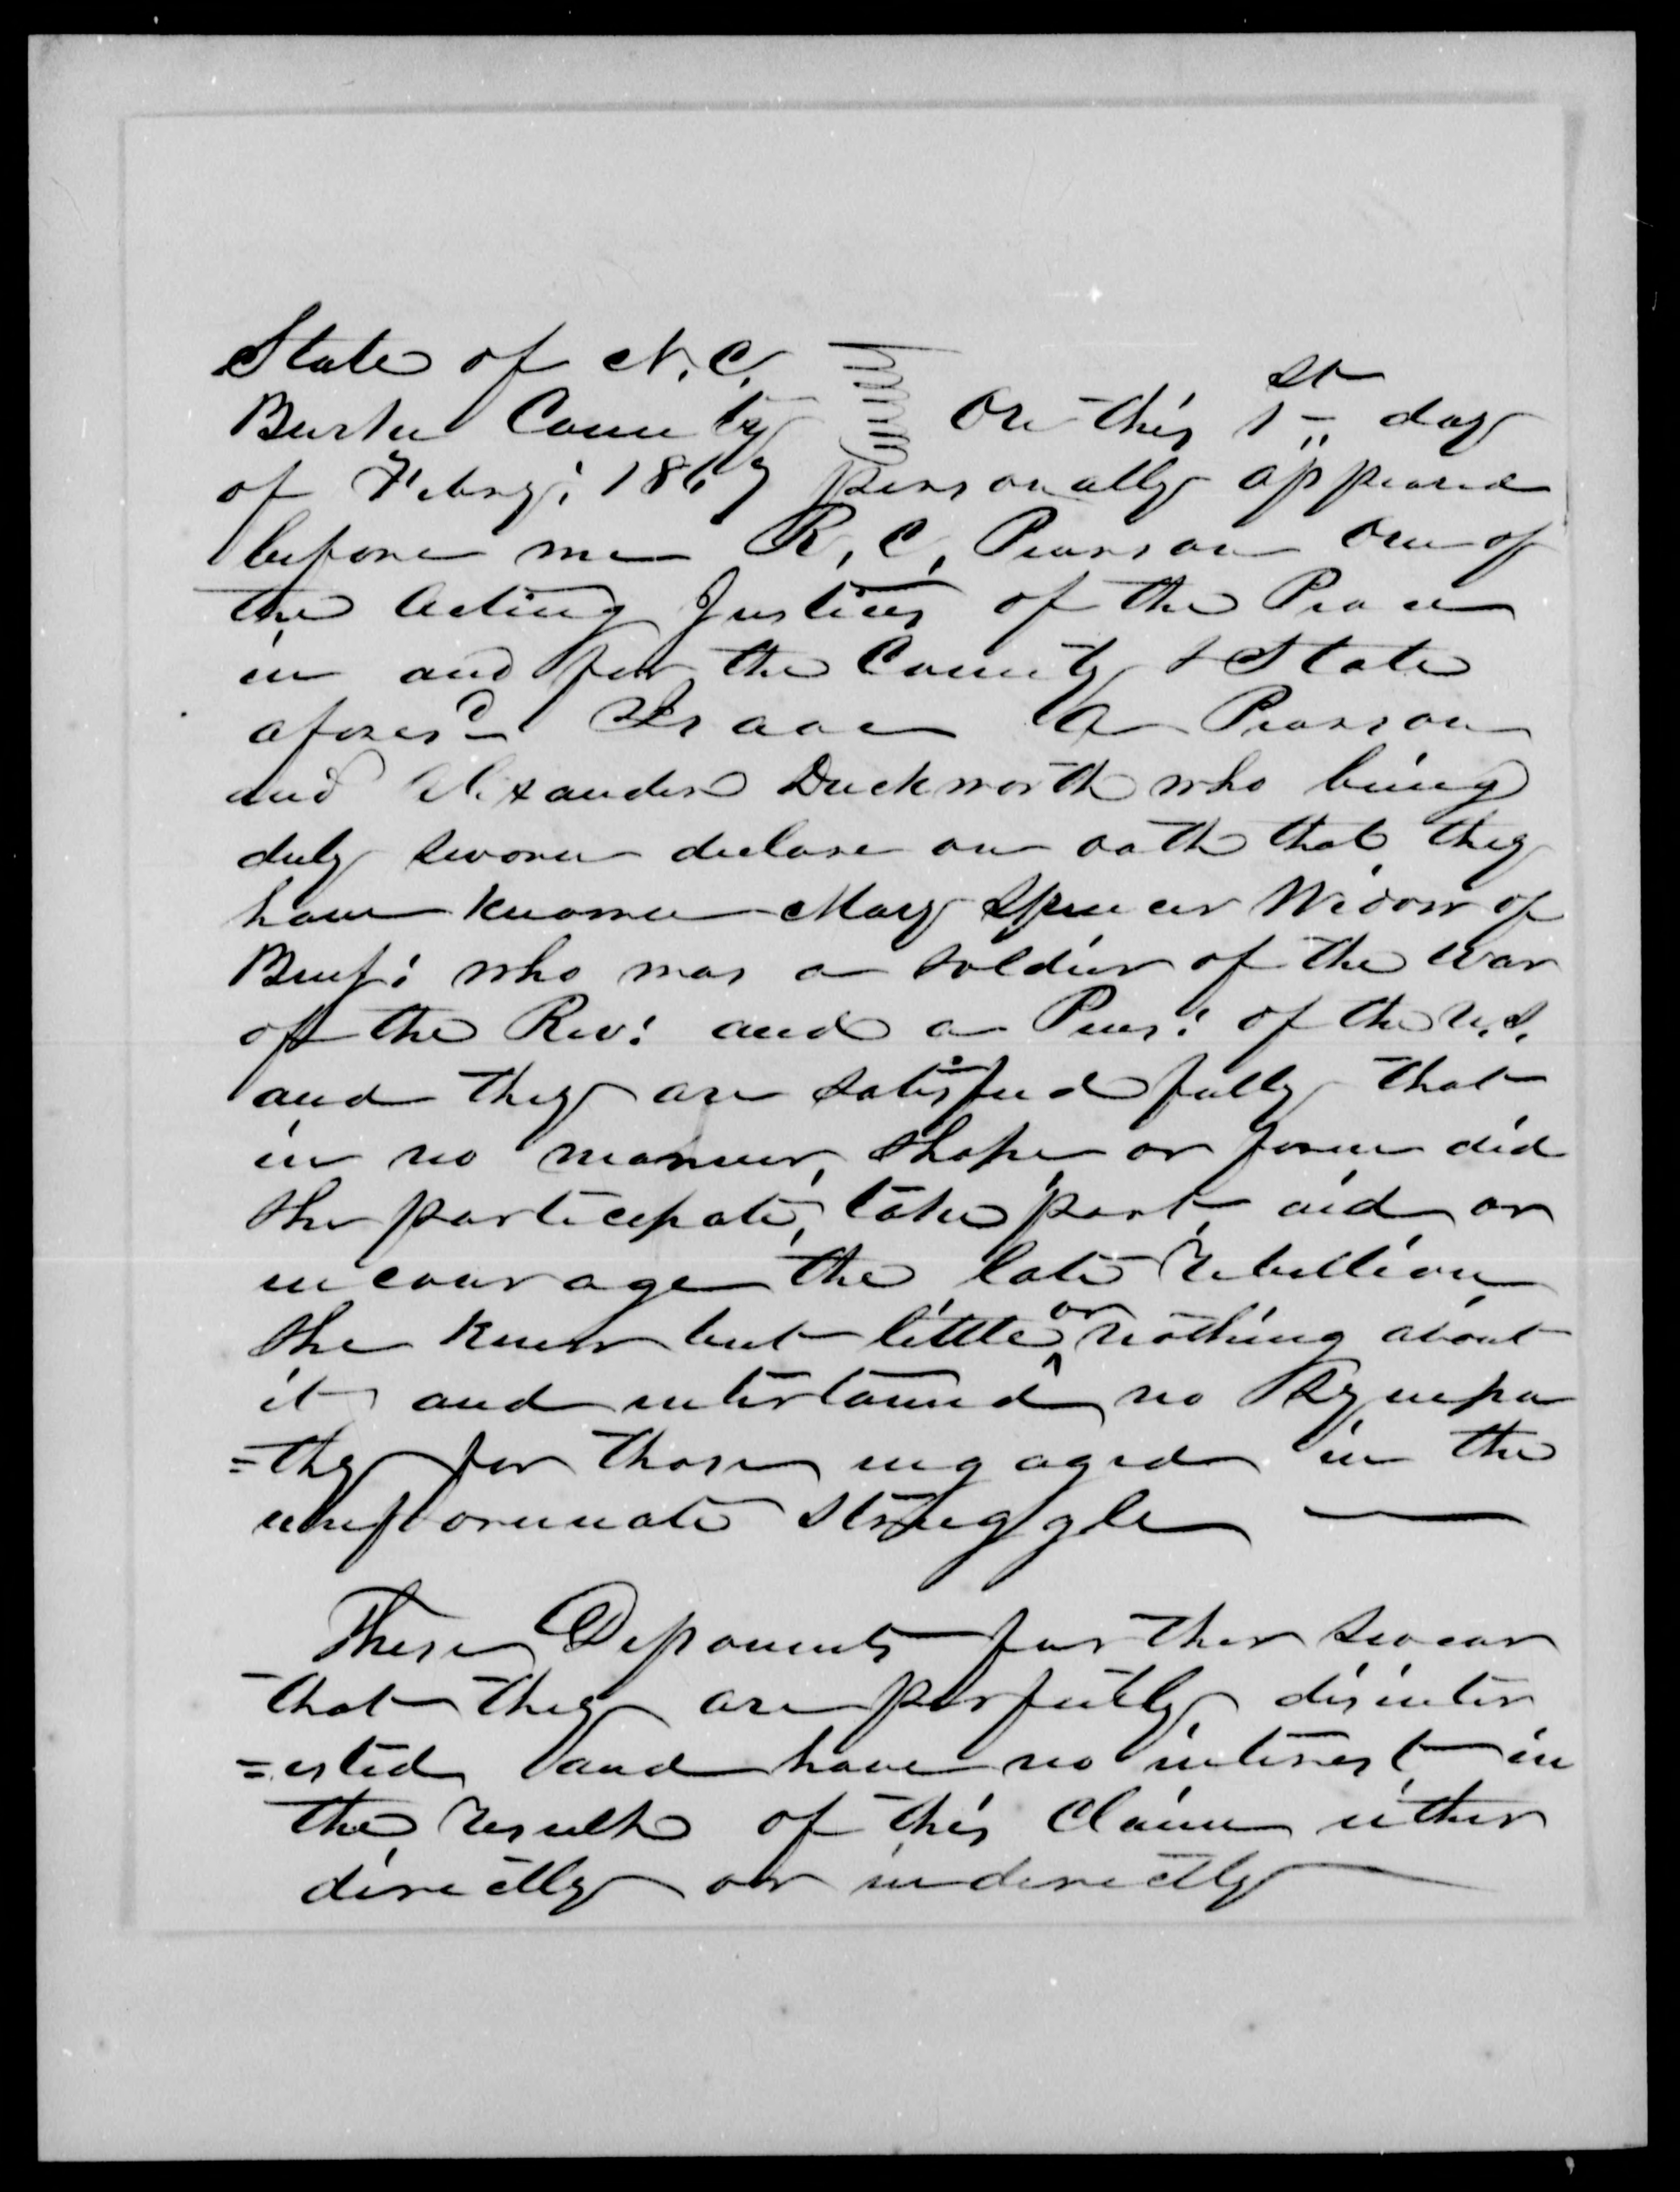State of N.C.
Burke County


On this 1st day of Febry. 1867
11
Personally appeared
before me R. C. Pearson one of the
acting Justices of the Peace
in and for the County & State
&
afore Isaac A. Pearson
and Alexander Duckworth who being
duly sworn declare on oath that they
have know Mary Spencer Widow of
Benj.; who was a soldier of the war
of the Rev. and a pensioner of the US.
and they are satisfied fully that
in no manner Shape or form did
the participate, take part aid or
encourage the late rebellion
she knew but little or nothing about
it and entertained no sympathy for those engaged in the
unfortunate struggle
---
these Deponent further swear
that they are perfectly disinterested and have no interest in
the result of this claim either
directly or indirectly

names: Mary Spencer; Benj [BLANK]; Isaac A Pearson; Alexander Duckworth; R C Pearson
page: 42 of 63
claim: widow's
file: W. 6158, for Benjamin Spencer, North Carolina